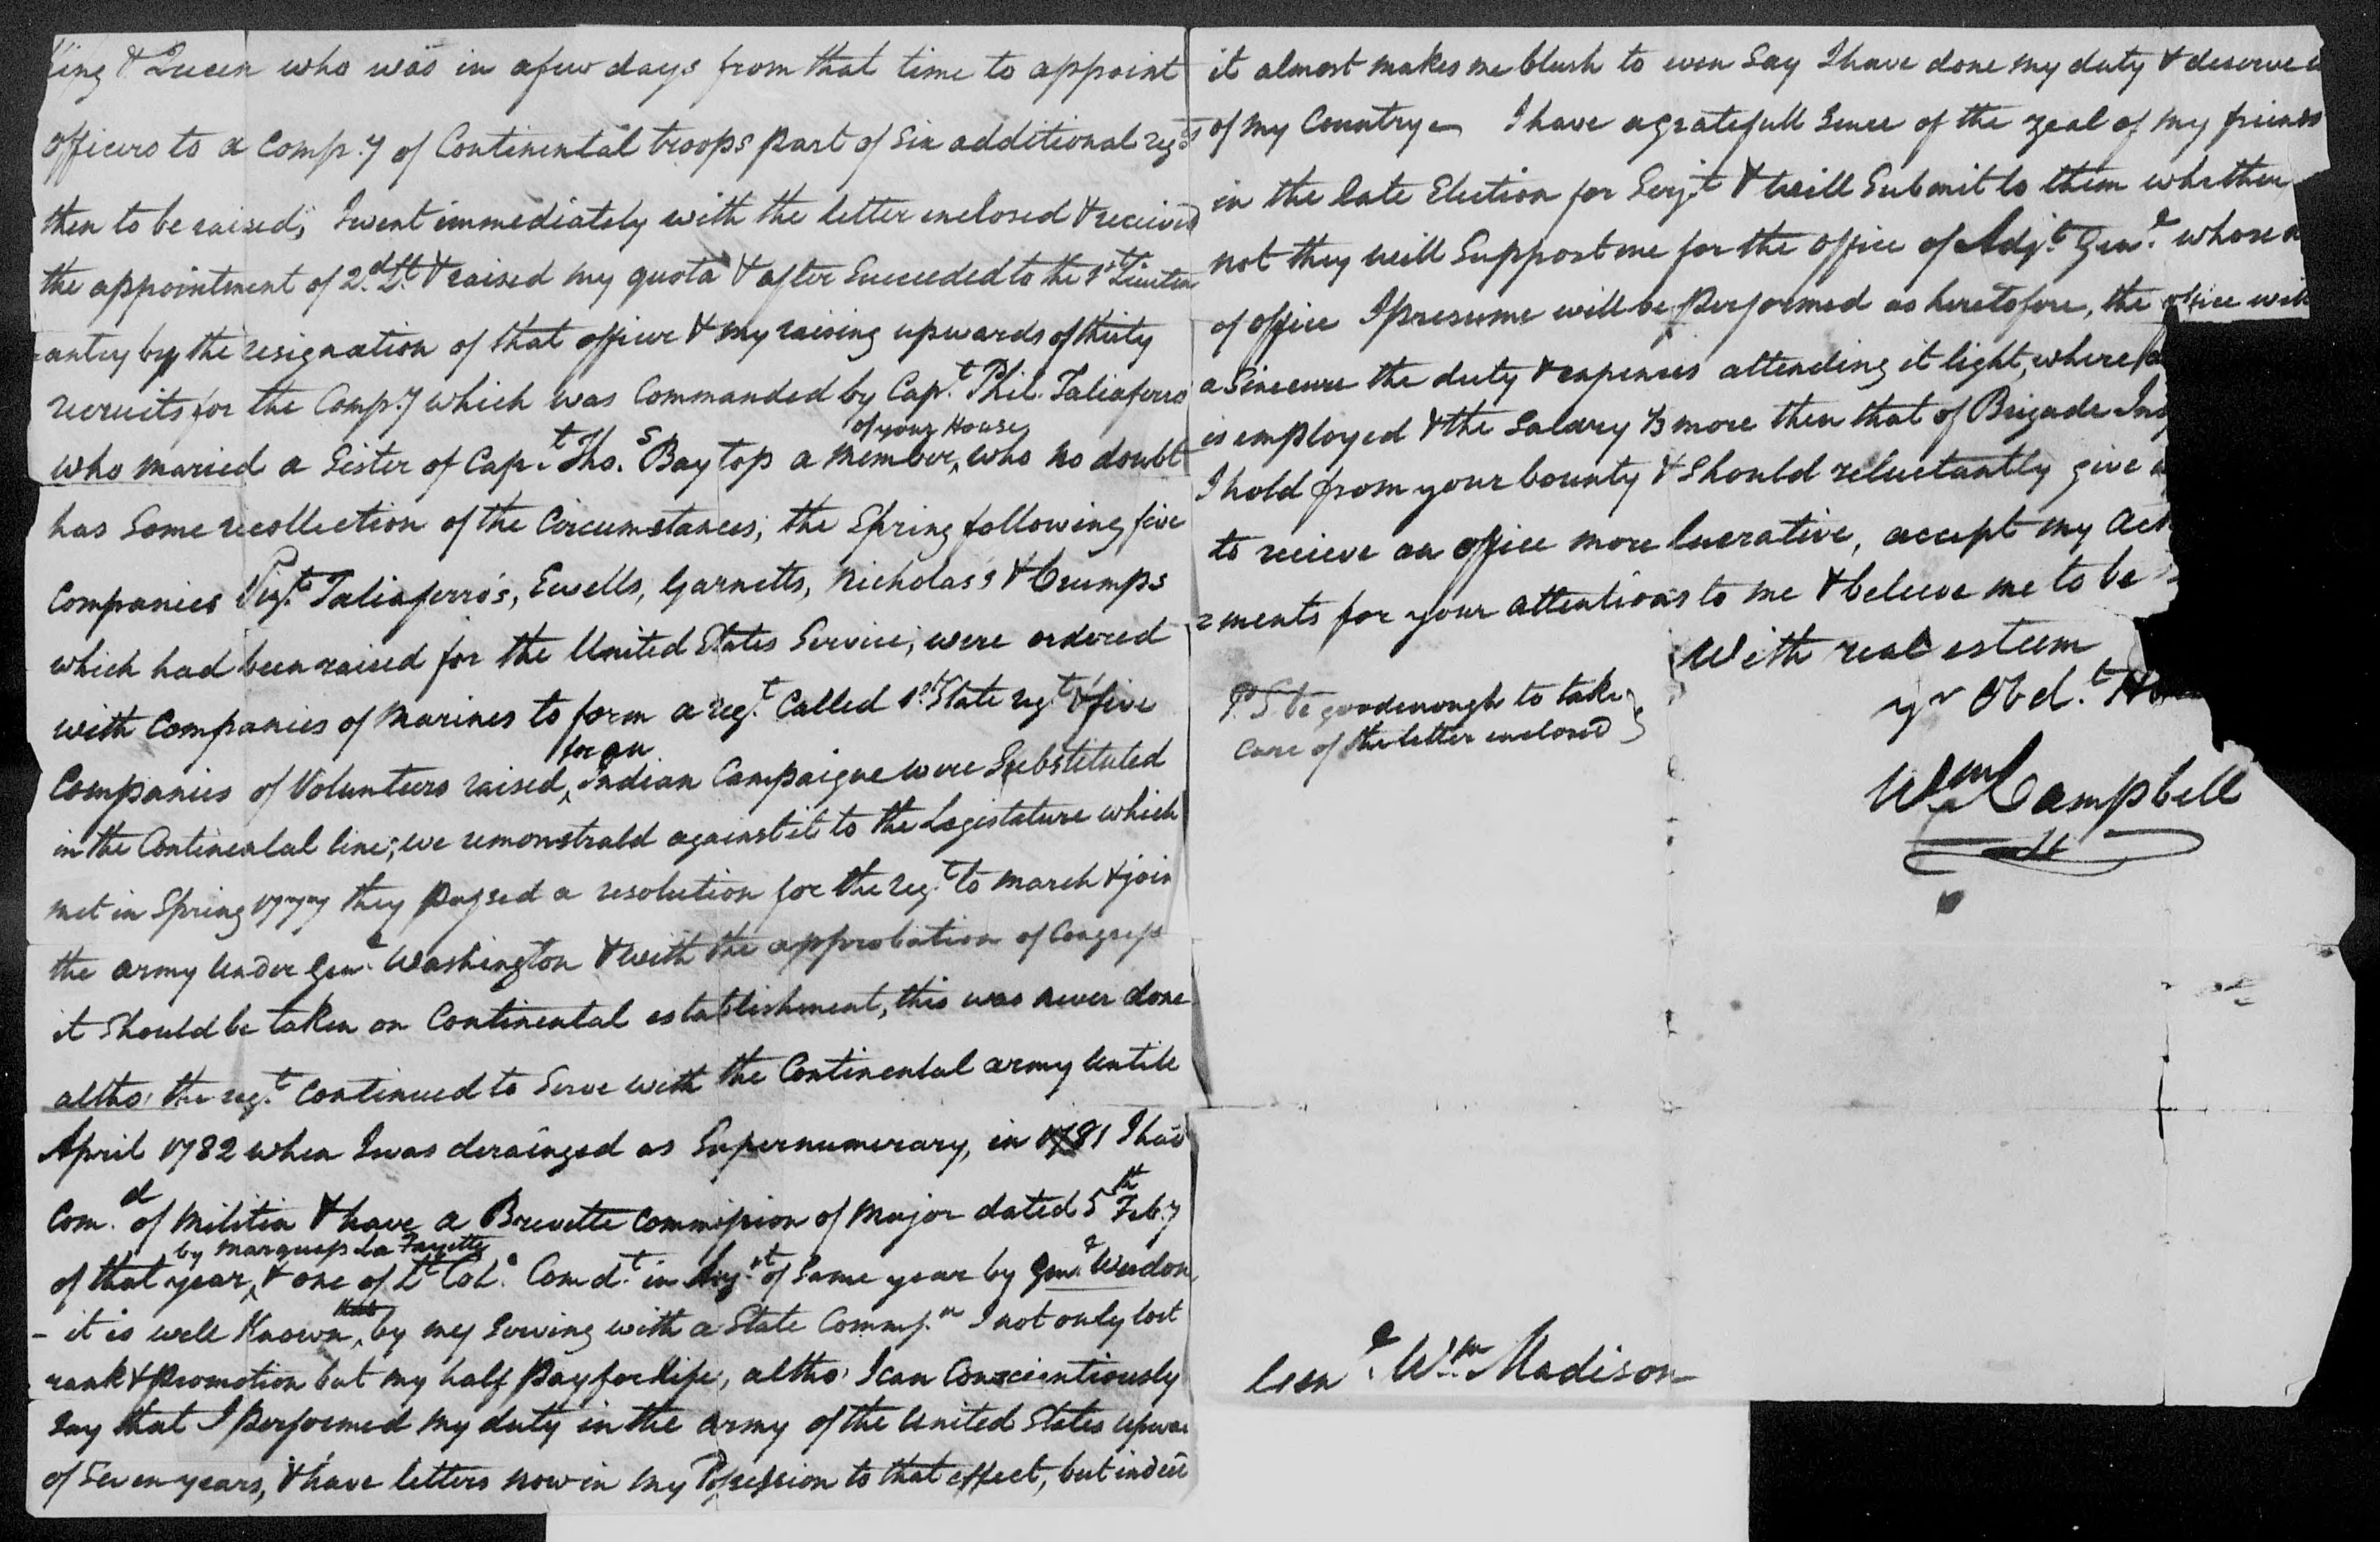King +[and] Queen who was in a few days from that time to appoint officers to a Compy. of Continental troops part of six additional regts. then to be raised, I went immediately with the letter enclosed +[and] received the appointment of 2d. Lt. +[and] raised my quota +[and] after Succeeded to that 1st Lieutenantry by the resignation of that officer +[and] my raising upwards of thirty recruits for the Compy. which was Commanded by Capt. Phil. Taliaferes who married a Sister of Capt. Thos. Baytop a member [insert] of your House [end insert] who no doubt has some recollection of the circumstances, the Spring following five companies Vizt. Taliaferre's, Ewells, Garretts, Nicholas's +[and] Crumps which had been raised for the United States Service; were ordered with Companies of Marines to form a regt. called 1st. State regt. +[and] five companies of Volunteers raised [insert] for an [end insert] Indian Campaigne were substituted in the Continental line; we remonstrated against it to the Legislature which met in Spring 1777 they passed a resolution for the regt. to march +[and] join the army under Genl. Washington +[and] with the approbation of Congress it Should be taken on Continental establishment, this was never done altho. the regt. continued to Serve with the Continental army until April 1782 when I was deranged as Supernumerary, in 1781 I had Comd. of Militia +[and] have a Brevette commission of Major dated 5th Feby. of that year {insert] by Marquess La Fayette +[and] one of Lt Colo. Comdt. in Adjnt. of same year by Genl Weedon __ it is well known, [cross out] that [end cross out] by my Serving with a State Commsn. I not only lost rank +[and] promotion but my half pay for life, altho. I can Conscientiously sat that I performed my duty in the army of the United States upwards of Seven years +[and] have letters now in my Possession to that effect, but indeed it almost makes me blush to even Say I have done my duty +[and] deserve 
[from this point forward there appear to be sections of missing text because parts of the page on which this was written have been cut out and removed or torn out] 
of my country ___   I have a grateful Sense of the zeal of my friends in the late Election for Sergt. +[and] will Submit to them whether not they will Support me for the office of Adjt. Genl. whose  of office I presume will be performed as heretofore, the office wit(h) a Sinecure the duty +[and] expenses attending it light, where a is employed +[and] the Salary 1/3 more then that of Brigade Ins  I hold from your bounty +[and] should reluctantly to receive an office more lucrative, accept my Ach____ments for your attentions to me +[and] believe me to be
With real esteem
Yr Obit. Ho
Wm. Campbell

P.S. be good enough to take care of the letter enclosed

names: Washington, Phil Taliaferro, Wm Madison, Wm Campbell, Thos Bay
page: 95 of 267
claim: widow's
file: W. 4,149, William Campbell, Va.